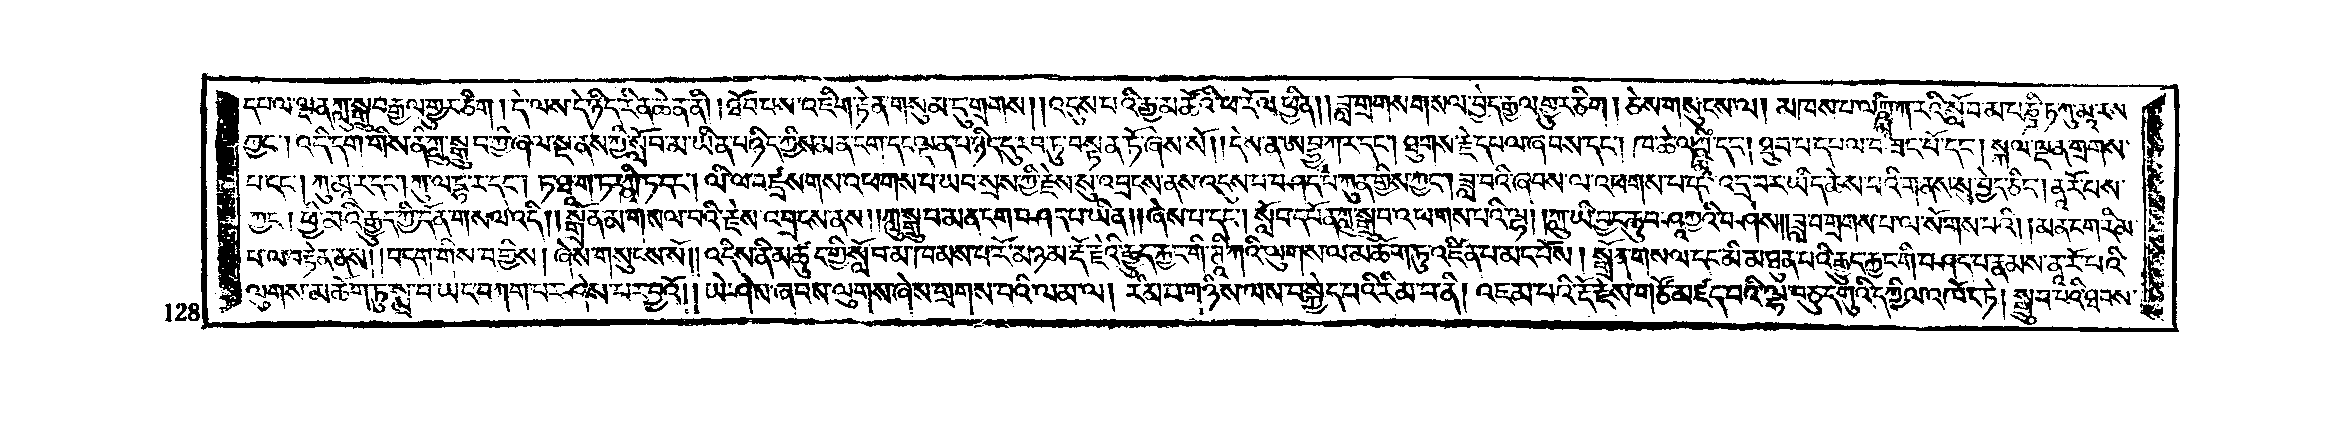དཔལ་ལྡན་ཀླུ་སྒྲུབ་རྒྱལ་གྱུར་ཅིག །དེ་ལས་དེ་ཉིད་རིན་ཆེན་ནི། །ཐོབ་པས་འཇིག་རྟེན་གསུམ་དུ་གྲགས། །འདུས་པའི་རྒྱ་མཚོའི་ཕ་རོལ་ཕྱིན། །ཟླ་གྲགས་གསལ་བྱེད་རྒྱལ་གྱུར་ཅིག །ཅེས་གསུངས་ལ། མཁས་པ་ལཀྵྨཱིཾ་ཀ་རའི་སློབ་མ་པཎྜི་ཏ་ཀུ་མཱ་རས་
ཀྱང་། འདི་དག་གིས་ནི་ཀླུ་སྒྲུབ་ཀྱི་ཞལ་སྔ་ནས་ཀྱི་སློབ་མ་ཡིན་པ་ཉིད་ཀྱིས་མན་ངག་དང་ལྡན་པ་ཉིད་དུ་རབ་ཏུ་བསྟན་ཏོ་ཞེས་སོ། །དེས་ན་ཨ་བྷྱཱ་ཀ་ར་དང་། ཐུགས་རྗེ་དཔལ་ཞབས་དང་། ཁ་ཅེ་ལཀྵྨཱིཾ་དང་། ཐུབ་པ་དཔལ་བཟང་པོ་དང་། སྐལ་ལྡན་གྲགས་
པ་དང་། ཀུ་མཱ་ར་དང་། ཀུ་ལ་དྷ་ར་དང་། ཏ་ཐཱ་ག་ཏ་རཀྵི་ཏ་དང་། ལི་ལ་བཛྲ་སོགས་འཕགས་པ་ཡབ་སྲས་ཀྱི་རྗེས་སུ་འབྲངས་ནས་འདུས་པ་བཤད་པ་ཀུན་གྱིས་ཀྱང་། ཟླ་བའི་ཞབས་ལ་འཕགས་པ་དང་འདྲ་བར་ཡིད་ཆེས་པའི་གནས་སུ་བྱེད་ཅིང་། ནཱ་རོ་པས་
ཀྱང་། ཕྱི་མའི་རྒྱུད་ཀྱི་དོན་གསལ་འདི། །སྒྲོན་མ་གསལ་བའི་རྗེས་འབྲངས་ནས། །ཀླུ་སྒྲུབ་མན་ངག་བཤད་པ་ཡིན། །ཞེས་པ་དང་། སློབ་དཔོན་ཀླུ་སྒྲུབ་འཕགས་པའི་ལྷ། །ཀླུ་ཡི་བྱང་ཆུབ་ཤཱཀྱའི་བཤེས། །ཟླ་བ་གྲགས་པ་ལ་སོགས་པའི། །མན་ངག་རིམ་
པ་ལ་བརྟེན་ནས། །བདག་གིས་བགྱིས། ཞེས་གསུངས་སོ། །འདིས་ནི་མཚུར་གྱི་སློབ་མ་ཁམས་པ་རོ་མཉམ་རྡོ་རྗེའི་རྒྱུད་རྐྱང་གི་ཊཱི་ཀའི་ལུགས་ལ་མཆོག་ཏུ་འཛིན་པ་མང་པོས། སྒྲོན་གསལ་དང་མི་མཐུན་པའི་རྒྱུད་རྐྱང་གི་བཤད་པ་རྣམས་ནཱ་རོ་པའི་
ལུགས་མཆོག་ཏུ་སྨྲ་བ་ཡང་བཀག་པར་ཤེས་པར་བྱའོ། །ཡེ་ཤེས་ཞབས་ལུགས་ཞེས་གྲགས་པའི་ལམ་ལ། རིམ་པ་གཉིས་ལས་བསྐྱེད་པའི་རིམ་པ་ནི། འཇམ་པའི་རྡོ་རྗེས་གཙོ་མཛད་པའི་ལྷ་བཅུ་དགུའི་དཀྱིལ་འཁོར་ཏེ། སྒྲུབ་པའི་ཐབས་